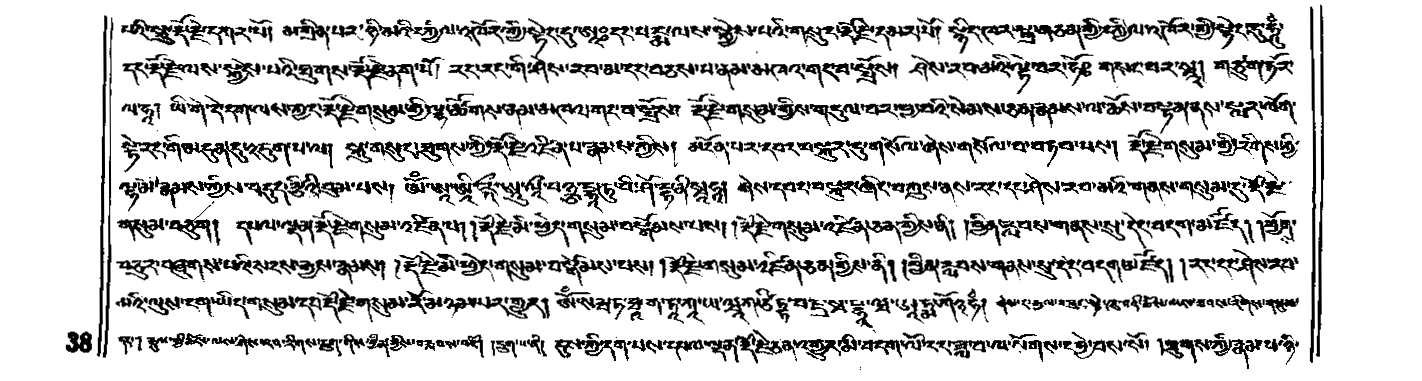པའི་སྐུ་རྡོ་རྗེ་དཀར་པོ། མགྲིན་པར་ཉི་མའི་དཀྱིལ་འཁོར་གྱི་སྟེང་དུ་ཨཱཿ དང་པདམ་ལས་སྐྱེས་པའི་གསུང་རྡོ་རྗེ་དམར་པོ། སྙིང་ཁར་སྒྲ་གཅན་གྱི་དཀྱིལ་འཁོར་གྱི་སྟེང་དུ་ཧཱུཾ་
དང་རྡོ་རྗེ་ལས་སྐྱེས་པའི་ཐུགས་རྡོ་རྗེ་ནག་པོ། རང་རང་གི་ཤེས་རབ་མ་དང་བཅས་པ་ནམ་མཁའ་གང་བ་སྤྲོས། ཤེས་རབ་མའི་ལྟེ་བར་ཧོཿ གསང་བར་སྭཱ། གཙུག་ཏོར་
ལ་ཧཱ། ཡི་གེ་དེ་དག་ལས་ཀྱང་རྡོ་རྗེ་གསུམ་གྱི་ལྷ་ཚོགས་ནམ་མཁལ་གང་བ་སྤྲོས། རྡོ་རྗེ་གསུམ་གྱིས་གདུལ་བར་བྱ་བའི་སེམས་ཅན་རྣམས་ལ་ཆོས་བསྟན་ནས་སླར་ལོག་
སྟེ་རང་གི་མདུན་དུ་འདུག་པ་ལ། སྐུ་གསུང་ཐུགས་ཀྱི་རྡོ་རྗེ་འཛིན་པ་རྣམས་ཀྱིས། མངོན་པར་དབང་བསྐུར་དུ་གསོལ་ཞེས་གསོལ་བ་བཏབ་པས། རྡོ་རྗེ་གསུམ་གྱི་རིགས་ཀྱི་
ལྷ་མོ་རྣམས་ཀྱིས་བདུད་རྩིའི་བུམ་པས། ཨོཾ་ཨཱ་ཨཱི་རཱྀ་ཨཱུ་ལཱྀ་པཉྩ་དྷཱ་ཏུ་བི་ཤོ་དྷ་ནི་སྭཱཧཱ། ཞེས་དབང་བསྐུར་ཞིང་བཀྲུས་ནས་རང་དང་ཤེས་རབ་མའི་གནས་གསུམ་དུ་རྡོ་རྗེ་
གསུམ་བཅུག། དཔལ་ལྡན་རྡོ་རྗེ་གསུམ་འཛིན་པ། །རྡོ་རྗེ་མི་ཕྱེད་གསུམ་བསྒོམས་པས། །རྡོ་རྗེ་གསུམ་འཛིན་ཅན་གྱིས་ནི། །བྱིན་རླབས་གནས་སུ་དེང་བདག་མཛོད། །ཕྱོགས་
བཅུར་བཞུགས་པའི་སངས་རྒྱས་རྣམས། །རྡོ་རྗེ་མི་ཕྱེད་གསུམ་བསྒོམས་པས། །རྡོ་རྗེ་གསུམ་འཛིན་ཅན་གྱིས་ནི། །བྱིན་རླབས་གནས་སུ་དང་བདག་མཛོད། །རང་དང་ཤེས་རབ་
མའི་ལུས་ངག་ཡིད་གསུམ་དང་རྡོ་རྗེ་གསུམ་རོ་མཉམ་པར་གྱུར། ཨོཾ་སརྦ་ཏ་ཐཱ་ག་ཏཱ་ཀཱ་ཡ་ཝཱཀ་ཙིཏྟ་བཛྲ་སྭ་བྷཱ་ཝ་ཨཱཏྨ་ཀོཉཧཾ། ཞེས་པ་རྒྱལ་བཟུང་སྟེ་ཁུ་བའི་ཆོས་ལས?་ཐབས་རིགས་གསུམ་
དང་། རྡུལ་གྱི་ཆོས་ལས་ཤེས་རབ་རིགས་དྲུག་གིས་བྱིན་གྱིས་བརླབས་པའོ། །དྲུག་པ་ནི། དུས་ཀྱི་དག་པས་དཔལ་ལྡན་རྡོ་རྗེ་ཅན་འགྱུར་མི་བདག་ལོ་དང་ཟླ་བ་ལ་སོགས་དབྱེ་བས་སོ། །ཐུགས་ཀྱི་རྣམ་པ་ཉི་